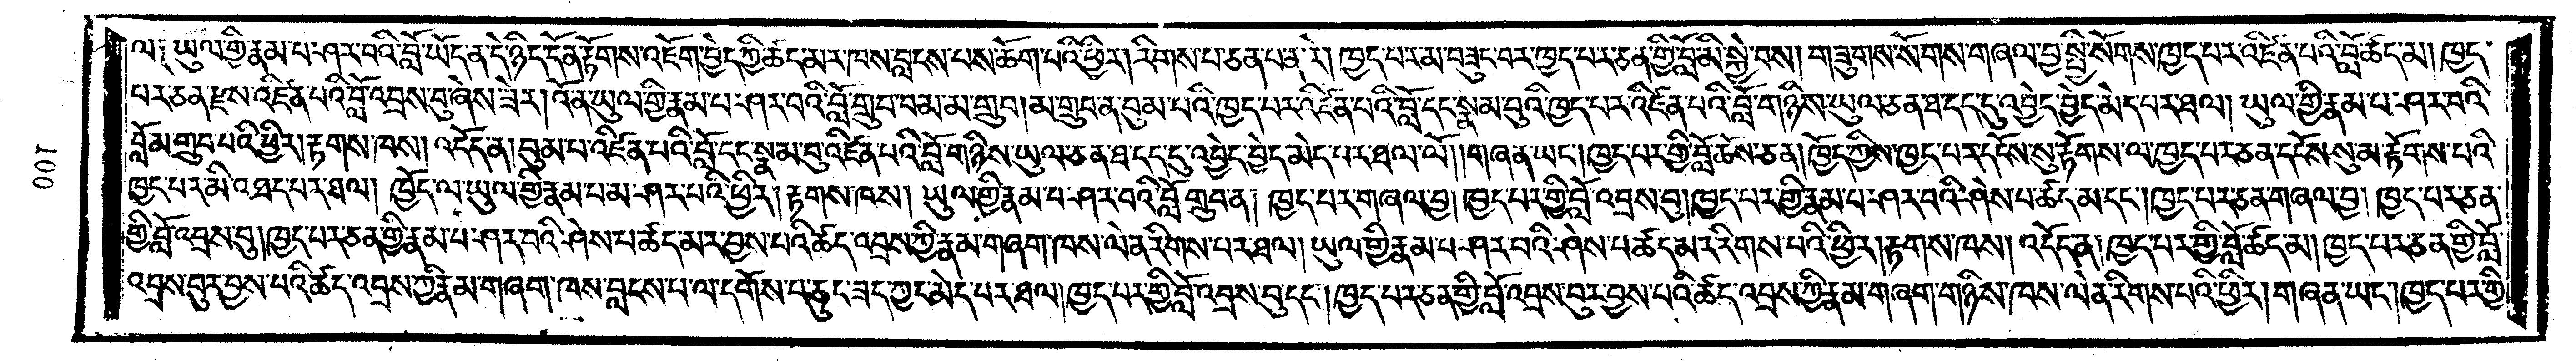ལ༑ ཡུལ་གྱི་རྣམ་པ་ཤར་བའི་བློ་ཡོད་ན་དེ་ཉིད་དོན་རྟོགས་འཇོག་བྱེད་ཀྱི་ཚད་མར་ཁས་བླངས་པས་ཆོག་པའི་ཕྱིར། རིགས་པ་ཅན་པ་ན་རེ། ཁྱད་པར་མ་བཟུང་བར་ཁྱད་པར་ཅན་གྱི་བློ་མི་སྐྱེ་བས། གཟུགས་སོགས་གཞལ་བྱ་སྤྱི་སོགས་ཁྱད་པར་འཛིན་པའི་བློ་ཚད་མ། ཁྱད་
པར་ཅན་རྫས་འཛིན་པའི་བློ་འབྲས་བུ་ཞེས་ཟེར། འོ་ན་ཡུལ་གྱི་རྣམ་པ་ཤར་བའི་བློ་གྲུབ་བམ་མ་གྲུབ། མ་གྲུབ་ན་བུམ་པའི་ཁྱད་པར་འཛིན་པའི་བློ་དང་སྣམ་བུའི་ཁྱད་པར་འཛིན་པའི་བློ་གཉིས་ཡུལ་ཅན་ཐ་དད་དུ་འབྱེད་བྱེད་མེད་པར་ཐལ། ཡུལ་གྱི་རྣམ་པ་ཤར་བའི་
བློ་མ་གྲུབ་པའི་ཕྱིར། རྟགས་ཁས། འདོད་ན། བུམ་པ་འཛིན་པའི་བློ་དང་སྣམ་བུ་འཛིན་པའི་བློ་གཉིས་ཡུལ་ཅན་ཐ་དད་དུ་འབྱེད་བྱེད་མེད་པར་ཐལ་ལོ། །གཞན་ཡང་། ཁྱད་པར་གྱི་བློ་ཆོས་ཅན། ཁྱོད་ཀྱིས་ཁྱད་པར་དངོས་སུ་རྟོགས་ལ་ཁྱད་པར་ཅན་དངོས་སུ་མ་རྟོགས་པའི་
ཁྱད་པར་མི་འཐད་པར་ཐལ། ཁྱོད་ལ་ཡུལ་གྱི་རྣམ་པ་མ་ཤར་བའི་ཕྱིར། རྟགས་ཁས། ཡུལ་གྱི་རྣམ་པ་ཤར་བའི་བློ་གྲུབ་ན། ཁྱད་པར་གཞལ་བྱ། ཁྱད་པར་གྱི་བློ་འབྲས་བུ། ཁྱད་པར་གྱི་རྣམ་པ་ཤར་བའི་ཤེས་པ་ཚད་མ་དང་། ཁྱད་པར་ཅན་གཞལ་བྱ། ཁྱད་པར་ཅན་
གྱི་བློ་འབྲས་བུ། ཁྱད་པར་ཅན་གྱི་རྣམ་པ་ཤར་བའི་ཤེས་པ་ཚད་མར་བྱས་པའི་ཚད་འབྲས་ཀྱི་རྣམ་གཞག་ཁས་ལེན་རིགས་པར་ཐལ། ཡུལ་གྱི་རྣམ་པ་ཤར་བའི་ཤེས་པ་ཚད་མར་རིགས་པའི་ཕྱིར། རྟགས་ཁས། འདོད་ན། ཁྱད་པར་གྱི་བློ་ཚད་མ། ཁྱད་པར་ཅན་གྱི་བློ་
འབྲས་བུར་བྱས་པའི་ཚད་འབྲས་ཀྱི་རྣམ་གཞག་ཁས་བླངས་པ་ལ་དགོས་པ་ཅུང་ཟད་ཀྱང་མེད་པར་ཐལ། ཁྱད་པར་གྱི་བློ་འབྲས་བུ་དང་། ཁྱད་པར་ཅན་གྱི་བློ་འབྲས་བུར་བྱས་པའི་ཚད་འབྲས་ཀྱི་རྣམ་གཞག་གཉིས་ཁས་ལེན་རིགས་པའི་ཕྱིར། གཞན་ཡང་། ཁྱད་པར་གྱི་